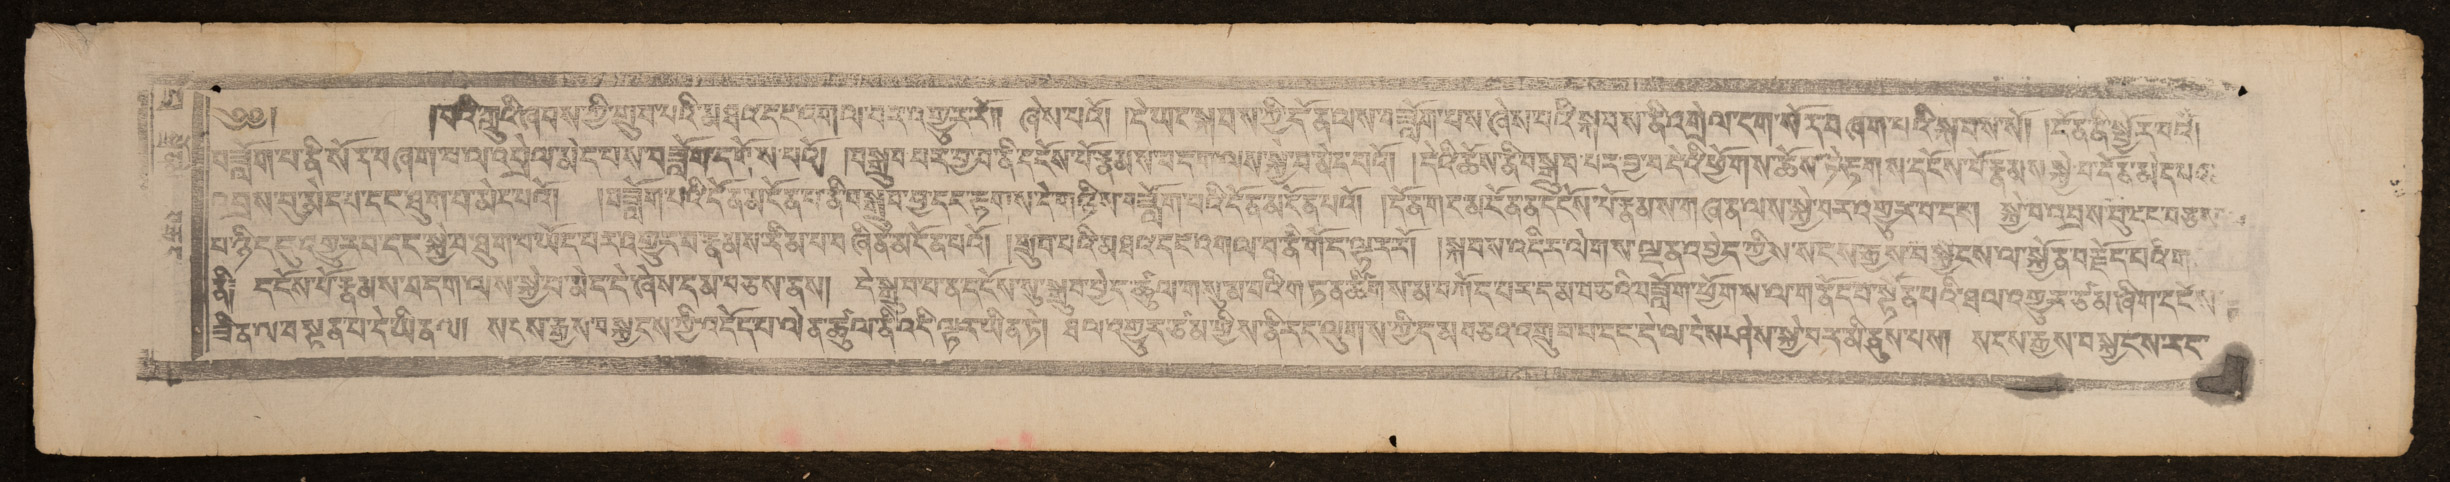༄༅། །པའི་ཀླུའི་ཞབས་ཀྱི་གྲུབ་པའི་མཐའ་དང་འགལ་བར་འགྱུར་རོ། །ཞེས་པའོ། །དེ་ཡང་སྐབས་ཀྱི་དོན་ལས་བཟློག་པས་ཞེས་པའི་སྐབས་ནི་འགྲེལ་ངག་སོ་ན་བཞག་པའི་སྐབས་སོ། །དོན་ནི་སྦྱོར་བའོ། །
བཟློག་པ་ནི་སོ་ན་བཞག་པ་ལ་འབྲེལ་མེད་པས་བཟློག་དགོས་པའོ། །བསྒྲུབ་པར་བྱ་བ་ནི་དངོས་པོ་རྣམས་བདག་ལས་སྐྱེ་བ་མེད་པའོ། །དེའི་ཆོས་ནི་བསྒྲུབ་པར་བྱ་བ་དེའི་ཕྱོགས་ཆོས་ཏེ་རྟགས་དངོས་པོ་རྣམས་སྐྱེ་བ་དོན་མེད་པའམ་
འབྲས་བུ་མེད་པ་དང་ཐུག་པ་མེད་པའོ། །བཟློག་པའི་དོན་མངོན་པ་ནི་བསྒྲུབ་བྱ་དང་རྟགས་དེ་གཉིས་བཟློག་པའི་དོན་མངོན་པའོ། །དོན་གང་མངོན་ན་དངོས་པོ་རྣམས་གཞན་ལས་སྐྱེ་བར་འགྱུར་བ་དང་། སྐྱེ་བ་འབྲས་བུ་དང་བཅས་
པ་ཉིད་དུ་འགྱུར་བ་དང་སྐྱེ་བ་ཐུག་པ་ཡོད་པར་འགྱུར་པ་རྣམས་རིམ་པ་བཞིན་མངོན་པའོ། །གྲུབ་པའི་མཐའ་དང་འགལ་བ་ནི་གོང་ལྟར་རོ། །སྐབས་འདིར་ལེགས་ལྡན་འབྱེད་ཀྱིས་སངས་རྒྱས་བསྐྱངས་ལ་སྐྱོན་བརྗོད་པའི་གཞི་
ནི༑ དངོས་པོ་རྣམས་བདག་ལས་སྐྱེ་བ་མེད་དེ་ཞེས་དམ་བཅས་ནས། དེ་སྒྲུབ་པ་ན་དངོས་སུ་སྒྲུབ་བྱེད་ཚུལ་གསུམ་པའི་གཏན་ཚིགས་མ་བཀོད་པར་དམ་བཅའི་བཟློག་ཕྱོགས་ལ་གནོད་པ་སྟོན་པའི་ཐལ་འགྱུར་ཙམ་ཞིག་དངོས་
ཟིན་ལ་བསྟན་པ་དེ་ཡིན་ལ། སངས་རྒྱས་བསྐྱངས་ཀྱི་འདོད་པ་ལེན་ཚུལ་ནི་འདི་ལྟར་ཡིན་ཏེ། ཐལ་འགྱུར་ཙམ་གྱིས་ནི་རང་ལུགས་ཀྱི་དམ་བཅའ་འགྲུབ་པ་དང་དེ་ལ་ངེས་ཤེས་སྐྱེ་བར་མི་ནུས་པས། སངས་རྒྱས་བསྐྱངས་རང་